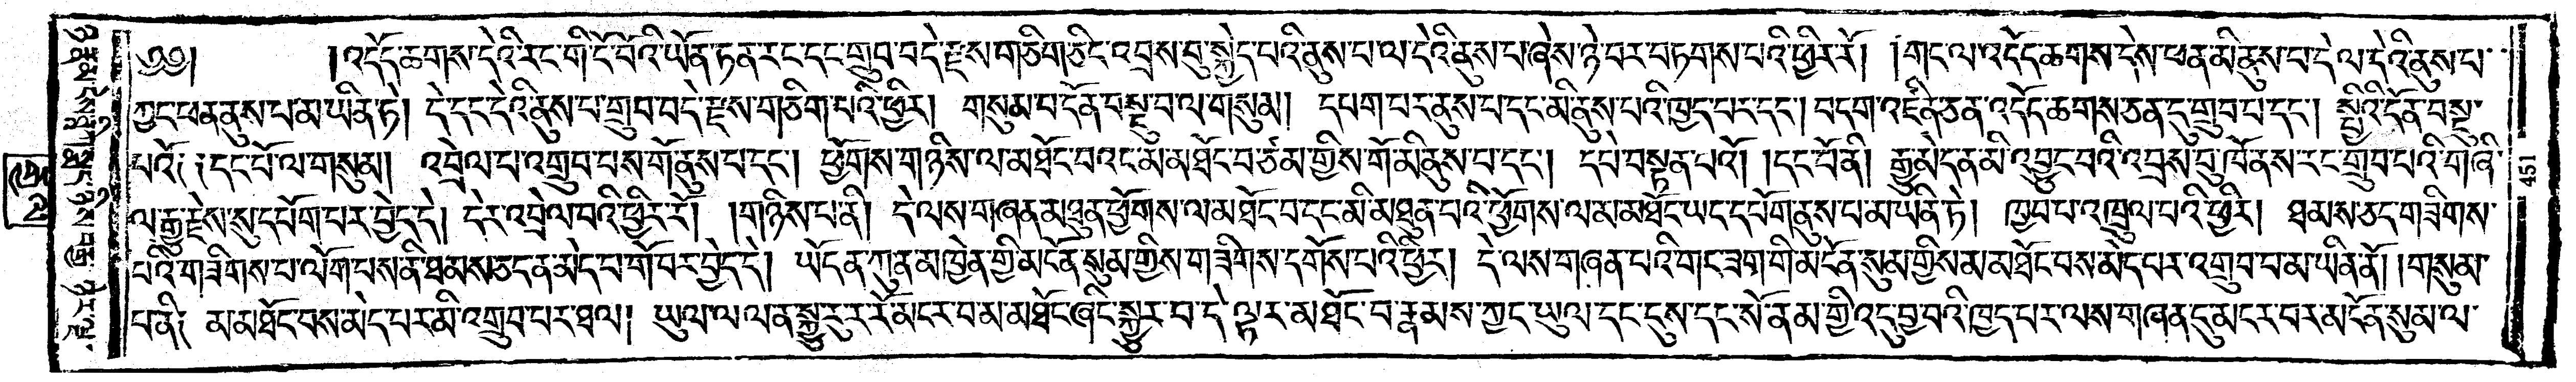༄༅། །འདོད་ཆགས་དེའི་རང་གི་ངོ་བོའི་ཡོན་ཏན་རང་དང་གྲུབ་བདེ་རྫས་གཅིག་ཅིང་འབྲས་བུ་སྐྱེད་པའི་ནུས་པ་ལ་དེའི་ནུས་པ་ཞེས་ཉེ་བར་བཏགས་པའི་ཕྱིར་རོ། །གང་ལ་འདོད་ཆགས་དེས་ཕན་མི་ནུས་པ་དེ་ལ་དེའི་ནུས་པ་
ཀྱང་ཕན་ནུས་པ་མ་ཡིན་ཏེ། དེ་དང་དེའི་ནུས་པ་གྲུབ་བདེ་རྫས་གཅིག་པའི་ཕྱིར། གསུམ་པ་དོན་བསྡུ་བ་ལ་གསུམ། དཔག་པར་ནུས་པ་དང་མི་ནུས་པའི་ཁྱད་པར་དང་། བདག་འཛིན་ཅན་འདོད་ཆགས་ཅན་དུ་གྲུབ་པ་དང་། སྤྱིའི་དོན་བསྡུ་
པའོ༑ ༑དང་པོ་ལ་གསུམ། འབྲེལ་པ་འགྲུབ་པས་གོ་ནུས་པ་དང་། ཕྱོགས་གཉིས་ལ་མཐོང་བའང་མ་མཐོང་བ་ཙམ་གྱིས་གོ་མི་ནུས་པ་དང་། དཔེ་བསྟན་པའོ། །དང་པོ་ནི། རྒྱུ་མེད་ན་མི་འབྱུང་བའི་འབྲས་བུ་ཁོ་ནས་རང་གྲུབ་པའི་གཞི་
ལ་རྒྱུ་རྗེས་སུ་དཔོག་པར་བྱེད་དེ། དེར་འབྲེལ་བའི་ཕྱིར་རོ། །གཉིས་པ་ནི། དེ་ལས་གཞན་མཐུན་ཕྱོགས་ལ་མཐོང་བ་དང་མི་མཐུན་པའི་ཕྱོགས་ལ་མ་མཐོང་ཡང་དཔོག་ནུས་པ་མ་ཡིན་ཏེ། ཁྱབ་པ་འཁྲུལ་པའི་ཕྱིར། ཐམས་ཅད་གཟིགས་
པའི་གཟིགས་པ་ལོག་པས་ནི་ཐམས་ཅད་ན་མེད་པ་གོ་བར་བྱེད་དེ། ཡོད་ན་ཀུན་མཁྱེན་གྱི་མངོན་སུམ་གྱིས་གཟིགས་དགོས་པའི་ཕྱིར། དེ་ལས་གཞན་པའི་གང་ཟག་གི་མངོན་སུམ་གྱིས་མ་མཐོང་བས་མེད་པར་འགྲུབ་པ་མ་ཡིན་ནོ། །གསུམ་
པ་ནི༑ མ་མཐོང་བས་མེད་པར་མི་འགྲུབ་པར་ཐལ། ཡུལ་ལ་ལ་ན་སྐྱུ་རུ་ར་རོ་མངར་བ་མ་མཐོང་ཞིང་སྐྱུར་བ་དེ་ལྟར་མཐོང་བ་རྣམས་ཀྱང་ཡུལ་དང་དུས་དང་སོ་ནམ་གྱི་འདུ་བྱ་བའི་ཁྱད་པར་ལས་གཞན་དུ་མངར་བར་མངོན་སུམ་ལ་